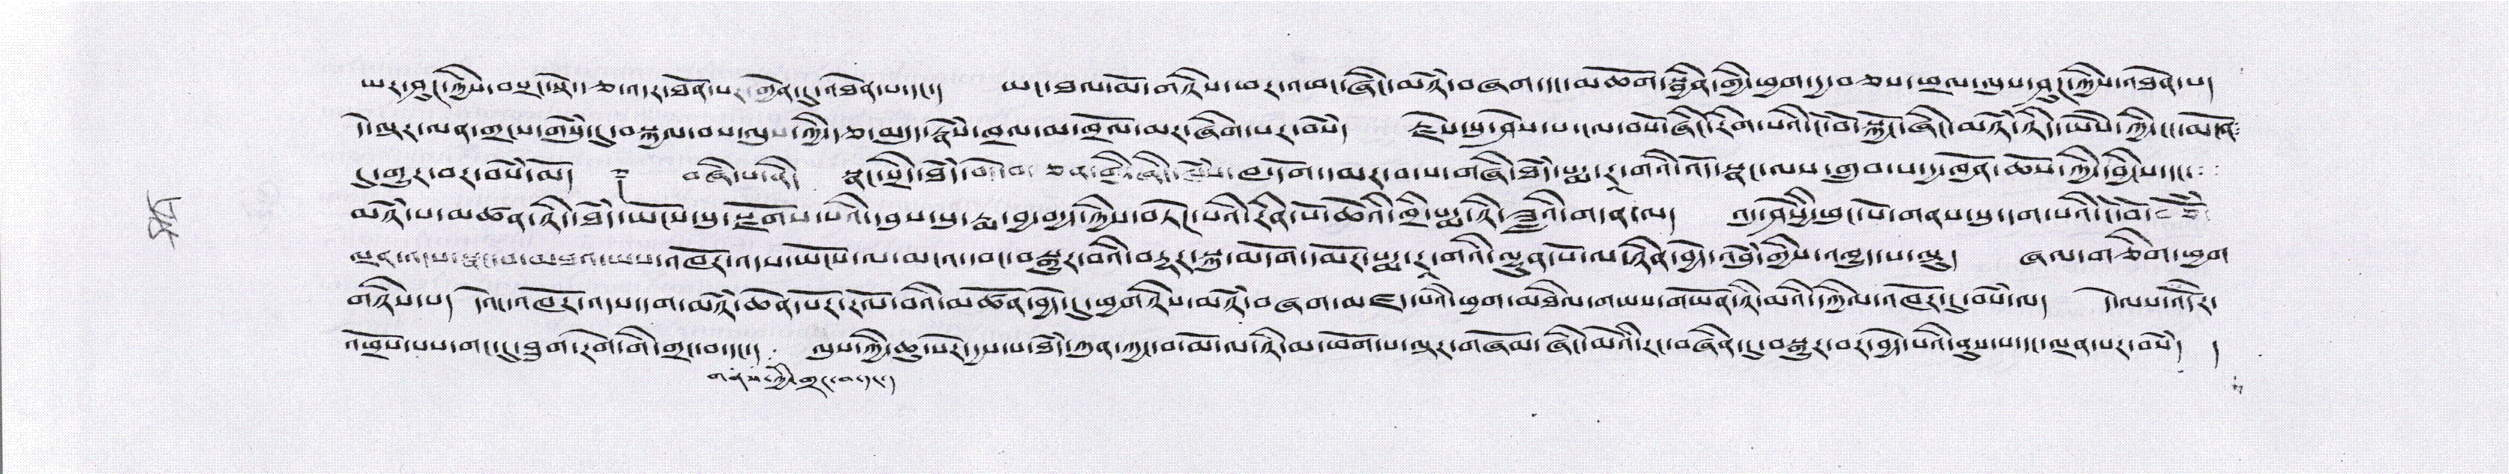ཡར་ཤུགས་ཀྱིས་བསྲང་སྟེ། རྩ་འདར་ཐོན་པར་གྱེན་དུ་འཐེན་པ་དང་། ཡང་ཐལ་མོ་གཉིས་ཕར་འཕང་ཞིང་མཉམ་གཞག་དང་མཆོག་སྦྱིན་ཕྱག་རྒྱ་བཅས་འཕྲལ་ལུས་ཤུགས་ཀྱིས་འཐེན་པ། 
དེ་ལྟར་ལན་གྲངས་གསུམ་དུ་བསྐྱལ་བས་ལུས་ཀྱི་རྩ་མདུད་རྣམས་ཁྲལ་མ་ཁྲོལ་མར་ཞིག་པར་བསམ། རྗེས་སུ་ཤེས་པ་ངལ་བསོ་ཞིང་རིག་པའི་ངོ་བོ་སྐྱོང་ཞིང་མཉམ་ཉིད་ཡེ་ཤེས་ཀྱི་ངང་མངོན་
དུ་གྱུར་པར་བསམ་མོ། །༧ བཞི་པ་ནི། སྣང་སྲིད་ཐམས་ཅད་བདེ་བ་ཅན་གྱི་ཞིང་ཁམས་ཁ་དོག་དམར་བ་ས་གཞི་ཐམས་ཅད་པདྨ་ར་གའི་འོད་སྣང་ལས་གྲུབ་པ་རྒྱ་ཁྱོན་ཆོས་ཀྱི་དབྱིངས་དང་
མཉམ་པ་མཚན་ཉིད་ཐམས་ཅད་ཡོངས་སུ་རྫོགས་པའི་དབུས་སུ་རྨ་བྱ་བརྒྱད་ཀྱིས་བཏེགས་པའི་རིན་པོ་ཆེའི་ཁྲི་པདྨ་ཉི་ཟླའི་གདན་ལ། འདུ་ཤེས་ཀྱི་ཕུང་པོ་གནས་སུ་དག་པའི་ངོ་བོ་བཅོམ་
ལྡན་འདས་སྣང་བ་མཐའ་ཡས་འཁོར་འདས་ཡོངས་ལ་མངའ་དབང་བསྒྱུར་བའི་བརྡར་སྐུ་མདོག་དམར་པོ་པདྨ་ར་གའི་ལྷུན་པོ་ལ་ཉིན་བྱེད་འབུམ་གྱིས་འཁྱུད་པ་ལྟ་བུ། ཞལ་གཅིག་ཕྱག་
གཉིས་པ། དེ་ཡང་འཁོར་འདས་དག་མཉམ་ཆེན་པོར་རོལ་པའི་མཚོན་བྱེད་དུ་ཕྱག་གཉིས་མཉམ་གཞག་མཛད་པའི་ཕྱག་མཐིལ་གཡས་གཡོན་ཉི་མའི་དཀྱིལ་འཁོར་དུ་བསམ་ལ། དེ་ལས་འོད་ཟེར་
འཕྲོས་པས་གང་དུ་ཐུག་རེག་གི་གྲང་བ་དང་། གནས་ཀྱི་གྲང་བ་དང་། ལུས་ཀྱི་ཆུ་སེར་རྒྱས་པ་ཐམས་ཅད་ཀུན་ཀྱང་བ་མོ་ལ་ཉི་མ་ཕོག་པ་ལྟར་གཞོམ་ཞིང་མེའི་རང་བཞིན་དུ་བསྒྱུར་བར་བྱེད་པའི་ནུས་པ་དང་ལྡན་པར་བསམ།